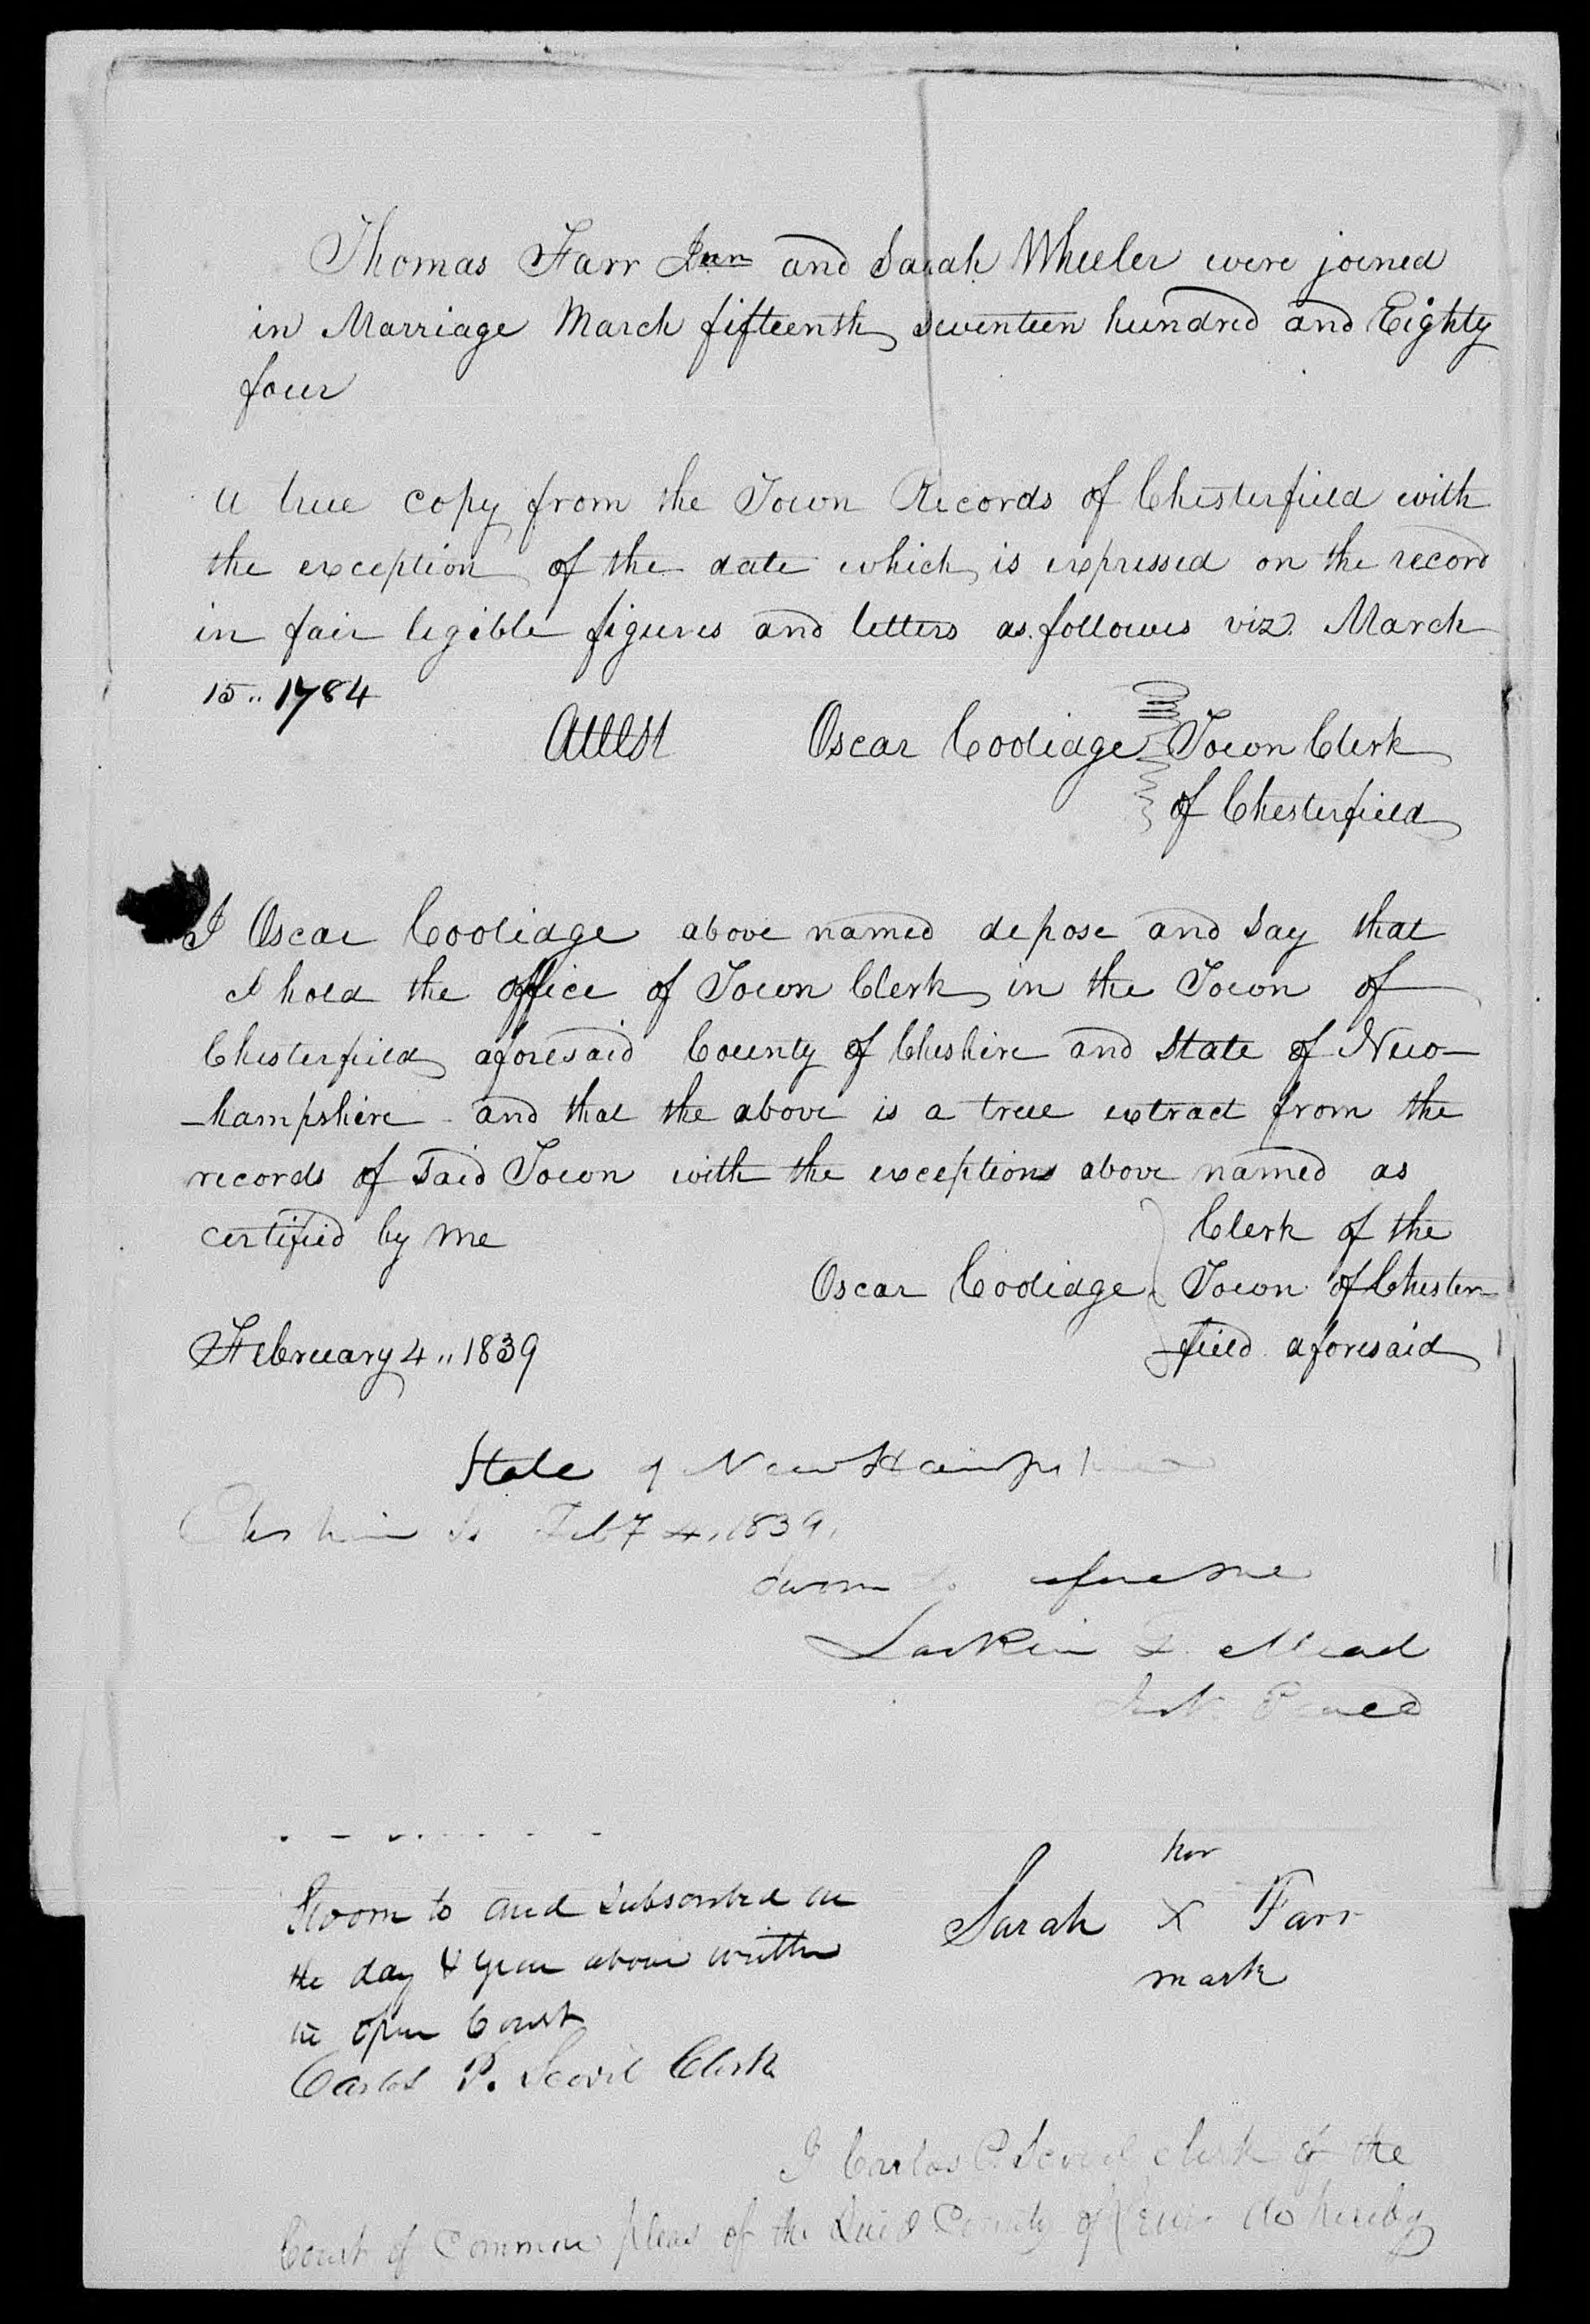Thomas Farr Jun and Sarah Wheeler were joined in Marriage March fifteenth seventeen hundred and Eighty four
a true copy from the Town Records of Chesterfield with the exception of the date which is expressed on the record in fair legible figures and letters as follows viz. March15, 1784
Attest Oscar Coolidge Town Clerk of Chesterfield
I Oscar Coolidge above named depose and Say that I hold the office of Town Clerk in the Town of Chesterfield aforesaid County of Cheshire and State of New Hampshire and that the above is a true extract from the records of Said Town with the exceptions above named as certified by me
Oscar Coolidge Clerk of the Town of Chesterfield aforesaid
February 4,, 1839
State of New Hampshire
Cheshire [illegible] Feby 4, 1839 Sworn to aforeme
Larkin G. Mead Just. Peace
Sworn to and subscribed on the day & year above written to open Court
Carlos P. Scovil Clerk
Sarah X Farr her mark
I Carlos P. Scovil clerk of the Court of Common Pleas of the Said County of [illegible] do hereby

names: Oscar Coolidge, Carlos P Scovil, Thomas Farr, Larkin G Mead, Sarah Wheeler, Carlos P Scovil, Sarah Farr, Oscar Coolidge, Oscar Coolidge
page: 10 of 46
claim: widow's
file: W. 23022, Thomas Farr, N.H.